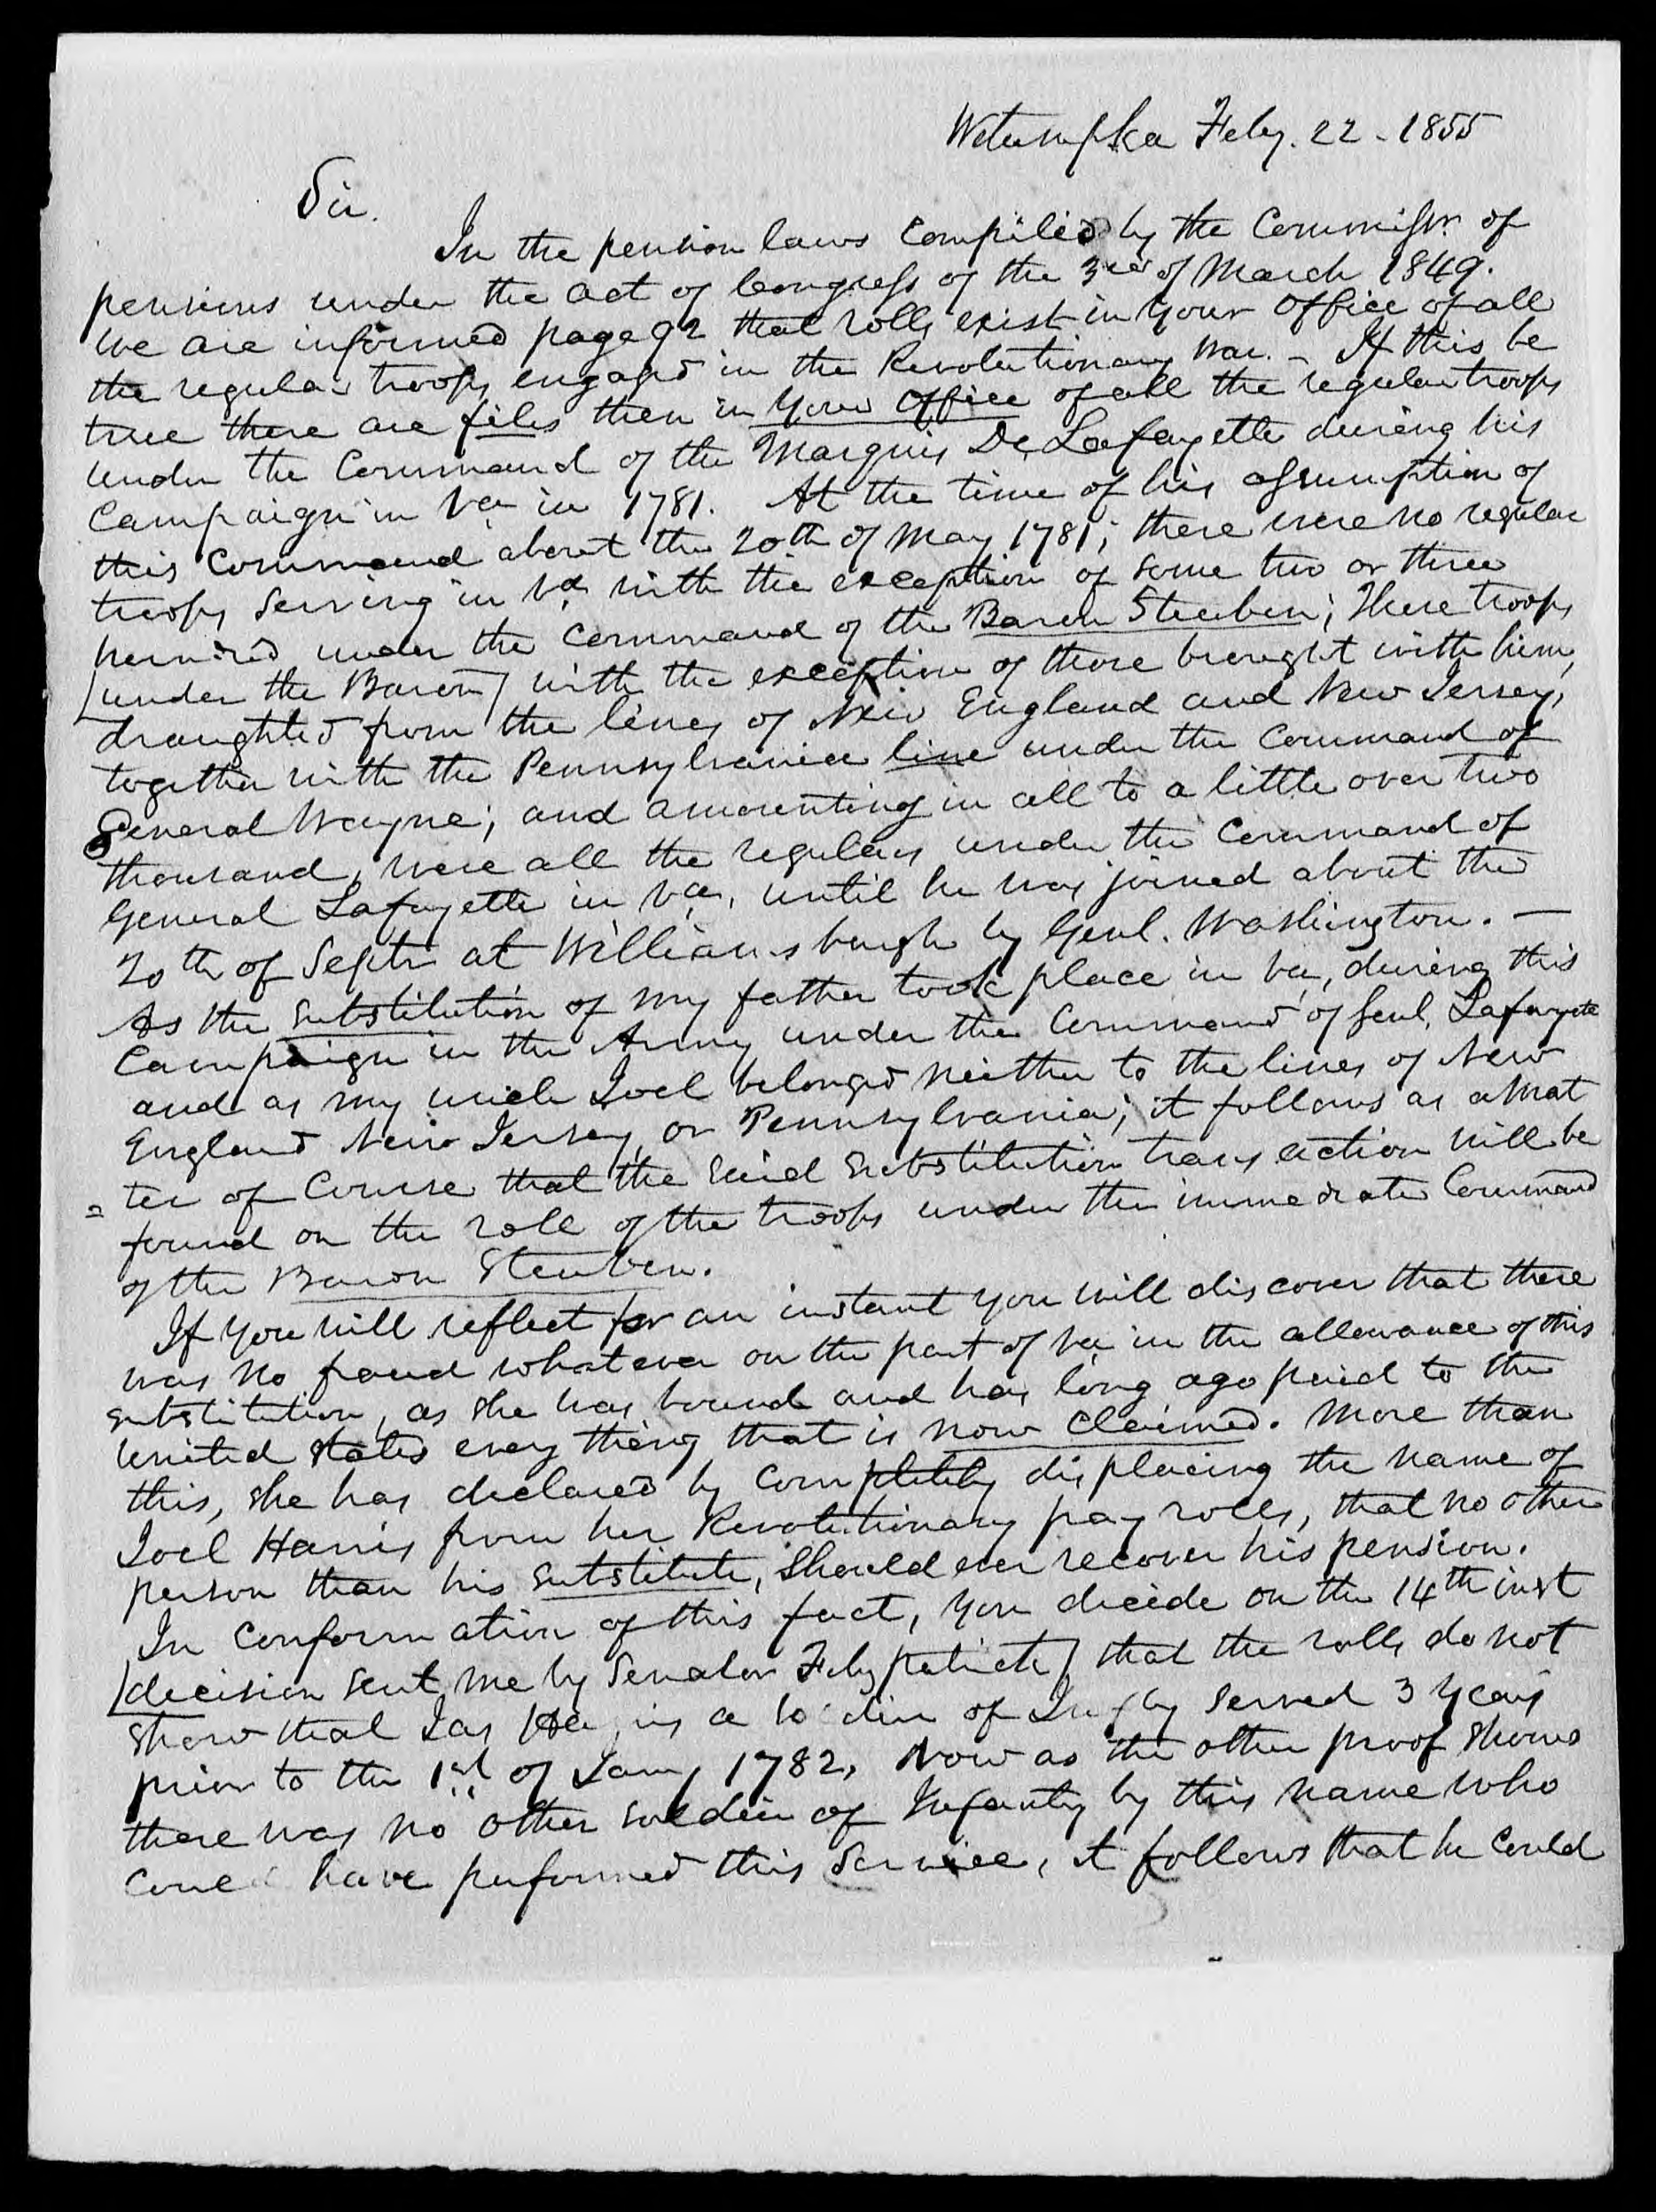Wetumpka Feby 22 1855
Sir
     In the pension laws compiled by the commissr of Pensions under the Act of Congress of the 3rd of March 1849, we are informed page 92 that rolls exist in your office of all the regular troops engaged in the Revolutionary War.  If this be true there are files then in your office of all the regular troops under the Command of the Marquis De Lafayette etc during his campaign in Va in 1781.  At the time of his assumption of this command about the 20th of May 1781, there were no regular troops serving in Va with the exception of some two or three hundred under the command of the Baron Steuben; These troops (under the Baron) with the exception of those brought with him, draughted from the lines of New England and New Jersey together with the Pennsylvania line under the command of General Wayne, and amounting in all to a little over two thousand, were all the regulars under the command of General Lafayette in Va until he was joined about the 20th of Septr at Williamsburgh [sic] by Genl Washington.  As the substitution of my father took place in Va, during this campaign in the Army under the Command of Genl Lafayette and as my uncle Joel belonged neither to the line of New England, New Jersey, or Pennsylvania, it follows as a matter of course that the said substitution transaction will be found on the roll of the troops under the immediate command of the Baron Steuben.
   If you will reflect for an instant you will discover that there was no fraud whatever on the part of Va in the allowance of this substituting, as the war board and her long ago paid  to the United States everything that is now claimed.  More than this, she has declared by completely displacing the name of Joel Harris from her revolutionary payrolls, that no other person than his substitute should ever recover his pension.  
   In conformation of this fact, you decide on the 14th inst (decision sent me by Senator Fitzpatrick) that the rolls do not show that Jas Harris a soldier of Infty served 3 years prior to the 1st of Jany 1782,.  Now as the other proof shows there was no other soldier of Infantry by this name who could have performed this service, it follows that he could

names: Washington, Lafayete, Wayne, Lafayette, Baron Steuben, Baron Steuben, Joel Harris, Lafayette, Joel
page: 20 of 160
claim: rejected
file: R. 4666, James Harris, Va.